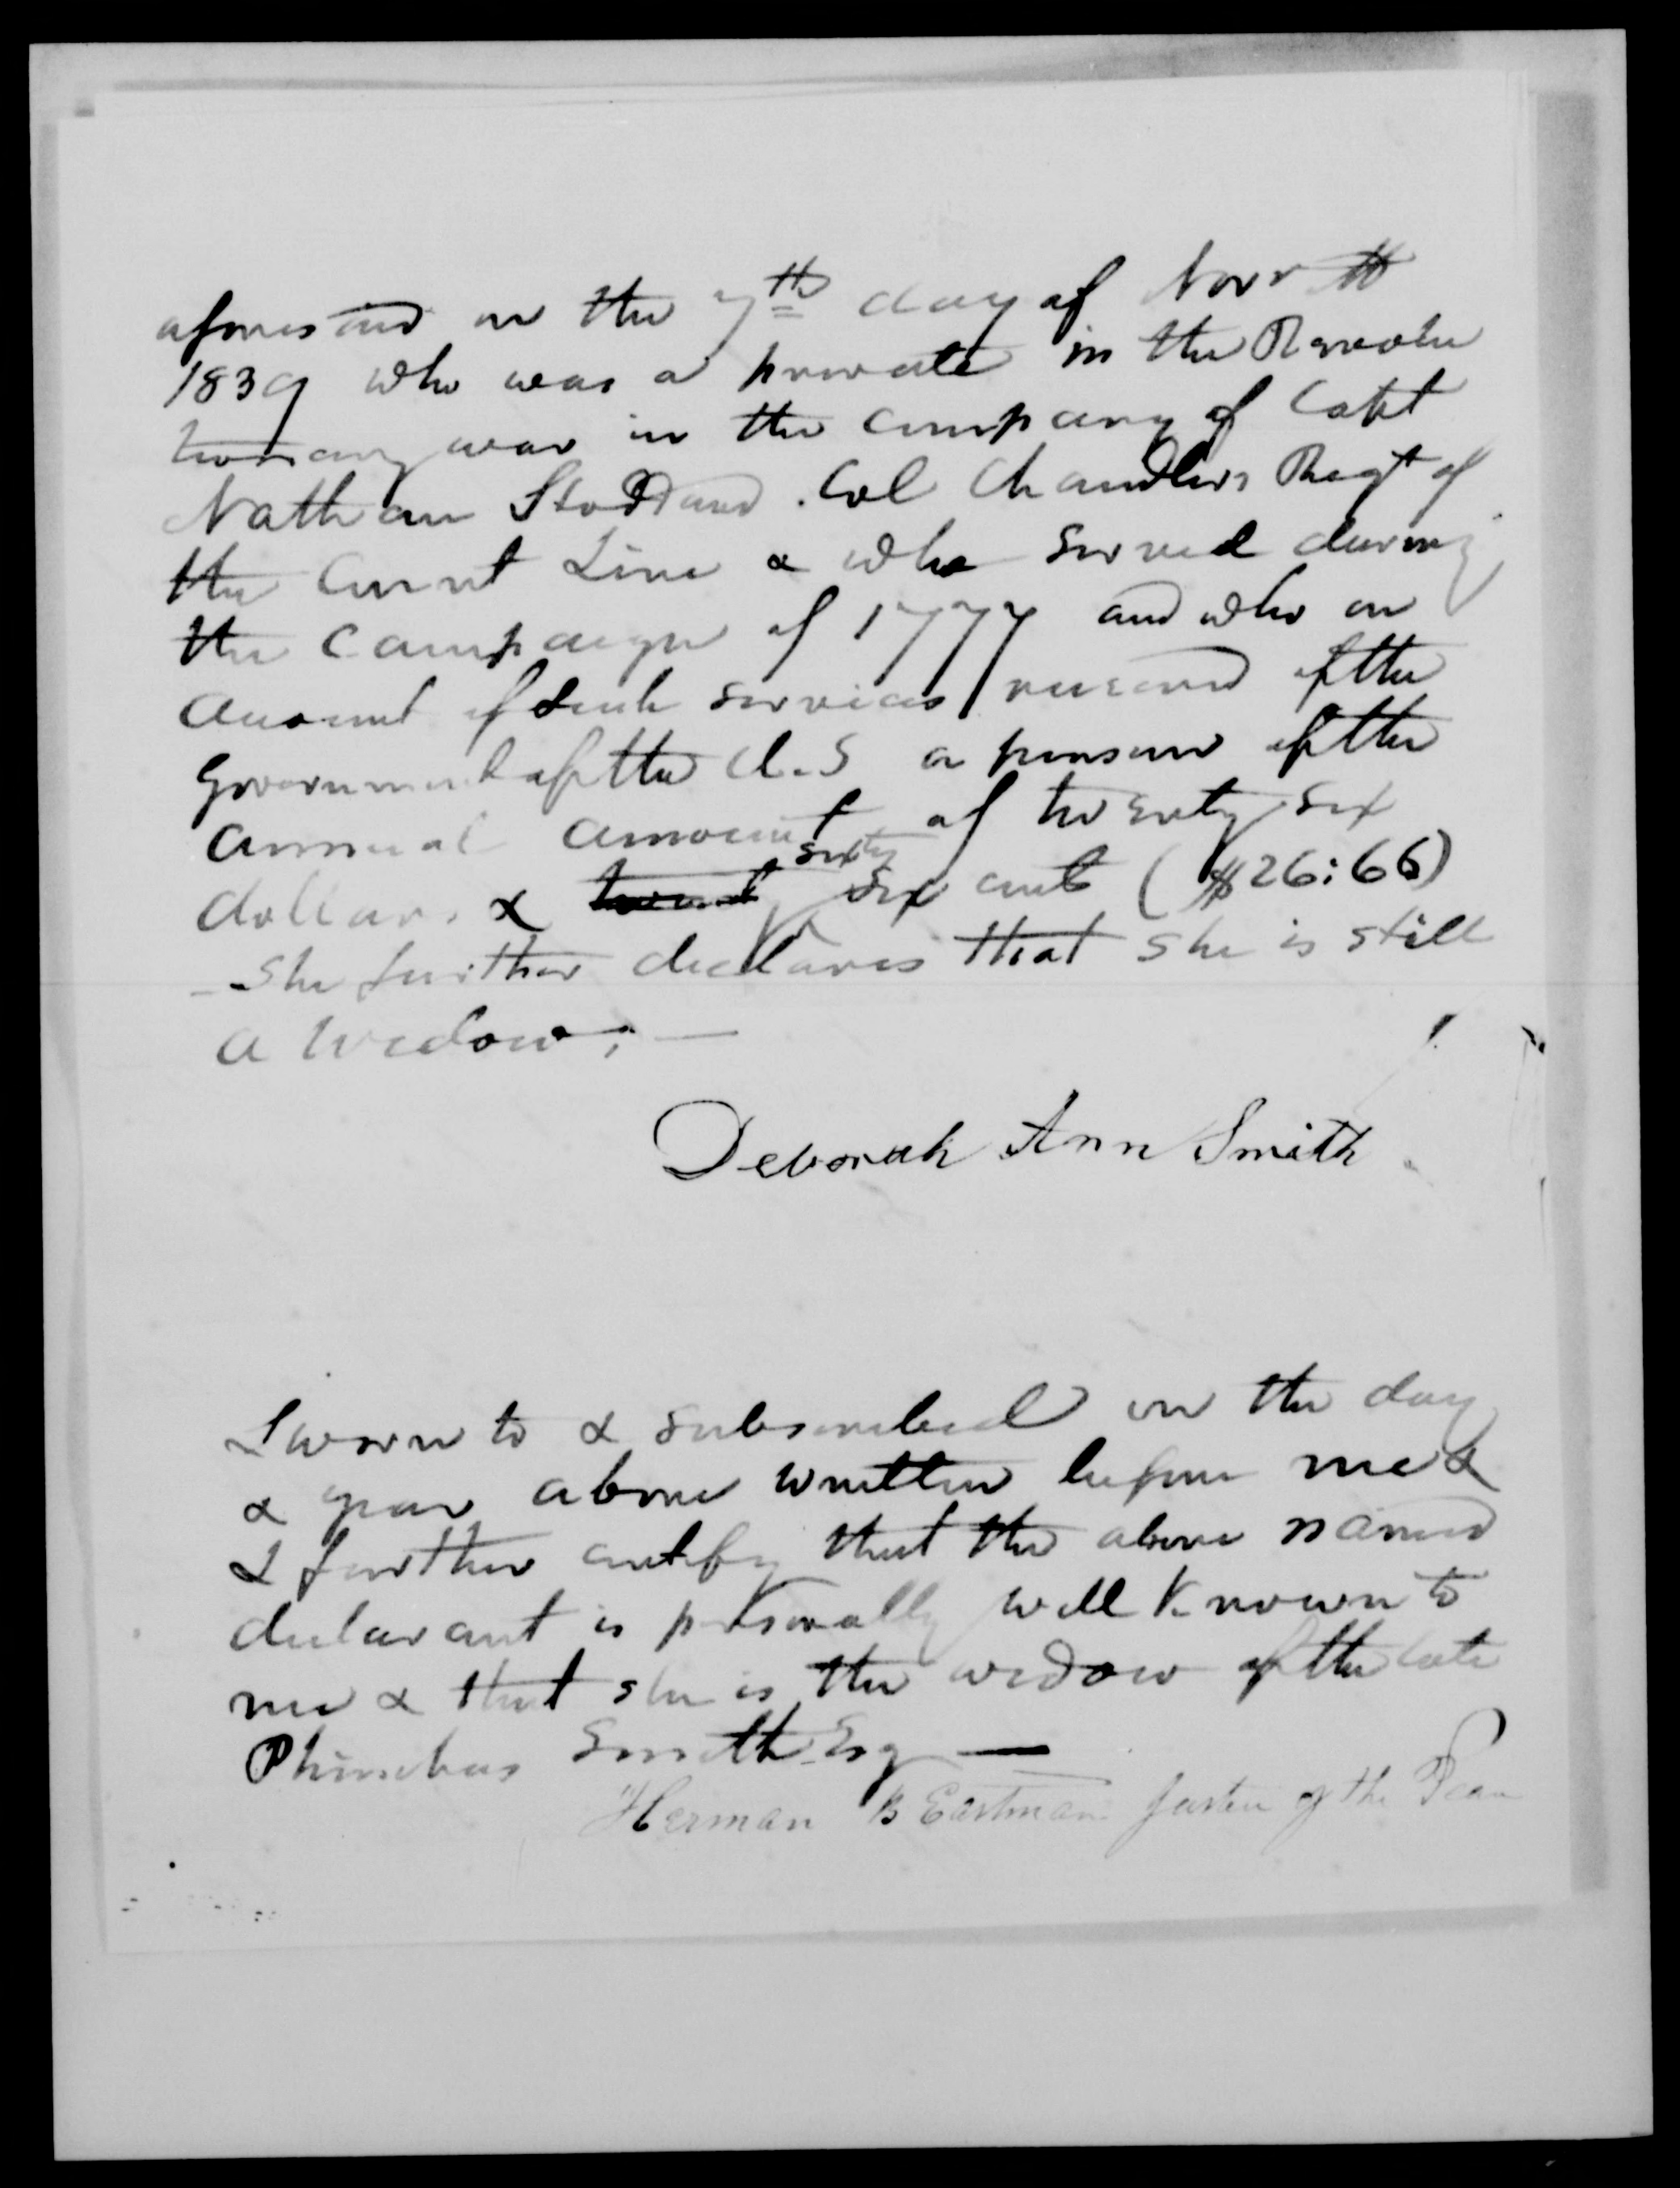aforesaid on the 7th day of Novr 1839 who was a private in the Revolution was in the company of Capt Nathan Stoddard, Col Chandlers Regt of the Connt line a who served during the Campaign of 1777 and who in account of such services procured of the Government of a pension of the annual amount of twenty six dollar six & sixty six cents ($26.66).  She further declares that she is still a widow. 
Deborah Ann Smith 
Sworn to & subscribed on the day & year above written before me & I further certify that the above named declarant is personally well known to me & that she is the widow of the late Phinehas Smith Esq 
Herman B. Eastman Justice of the Peace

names: Herman B Eastman; Nathan Stoddard; Deborah Ann Smith; Phinehas Smith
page: 40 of 55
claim: widow's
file: W. 11480, for Phinehas Smith, Connecticut